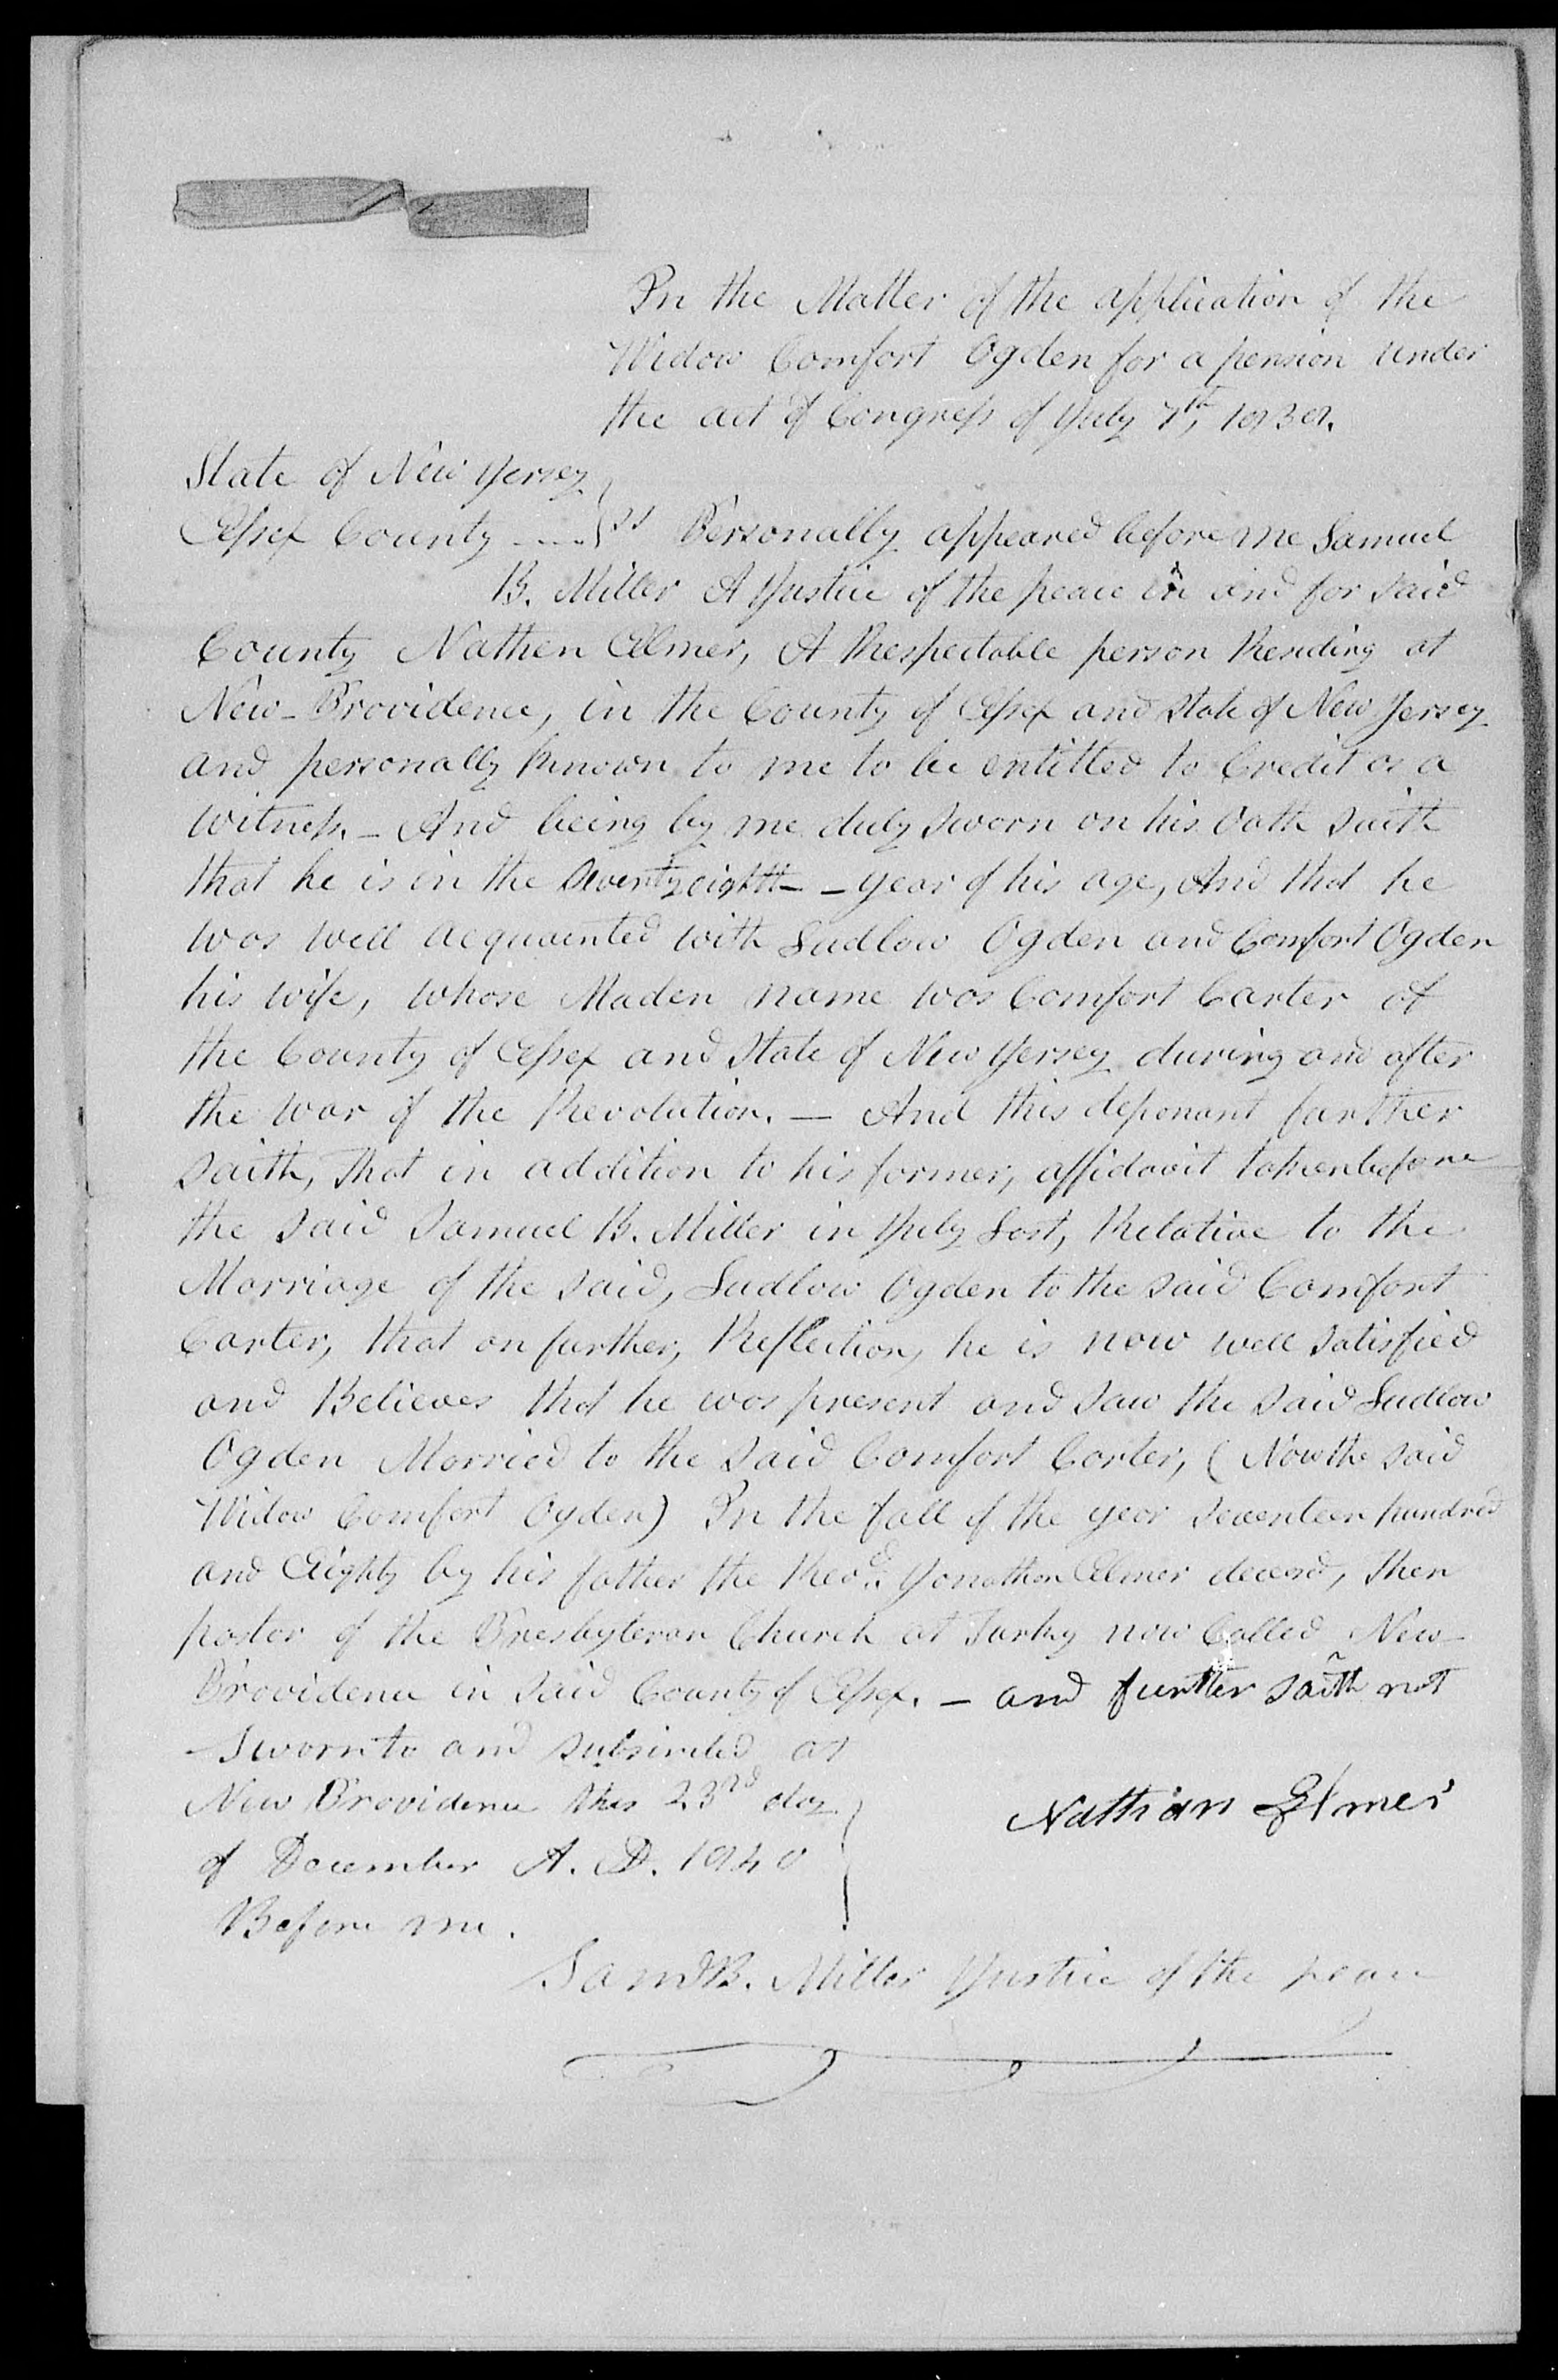In the Matter of the application of the
   Widow Comfort Ogden for a pension under
   the act of Congress of July 7th, 1838.

State of New Jersey)
Essex County           ) ss
   Personally appeared before me Samuel B. Miller A Justice of the peace in and for said County Nathen Elmer, A Respectable person Residing at New Providence, in the County of Essex and state of New Jersey and personally known to me to be entitled to Credit as a witness. - And being by me duly sworn on his Oath saith that he is in the seventy eighth year of his age, And that he was well acquainted with Ludlow Ogden and Comfort Ogden his wife, whose Maden name was Comfort Carter of the County of Essex and State of New Jersey during and after the War of the Revolution. - And this deponant further saith, That in addition to his former affidavit taken before the said Samuel B. Miller in July last, Relative to the Marriage of the said Ludlow Ogden to the said Comfort Carter, that on further Reflection, he is now well satisfied and Believes that he was present and saw the said Ludlow Ogden Married to the said Comfort Carter, (Now the said Widow Comfort Ogden) In the fall of the year seventeen hundred Eighty by his father the Revd Jonathon Elmer deceased, Then paster of the Presbyteran Church at Turkey now called New Providence in said County of Essex. - and further saith not
       Nathan Elmer
Sworn to and Subscribed at     )
New Providence this 23rd day  )
of December A.D. 1840             )
Before me,
   Saml B. Miller Justice of the peace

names: Nathan Elmer; Samuel B Miller; Ludlow Ogden; Jonathan Elmer; Comfort Ogden; Comfort Carter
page: 18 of 25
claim: widow's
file: W. 187, for Ludlow Ogden, New Jersey